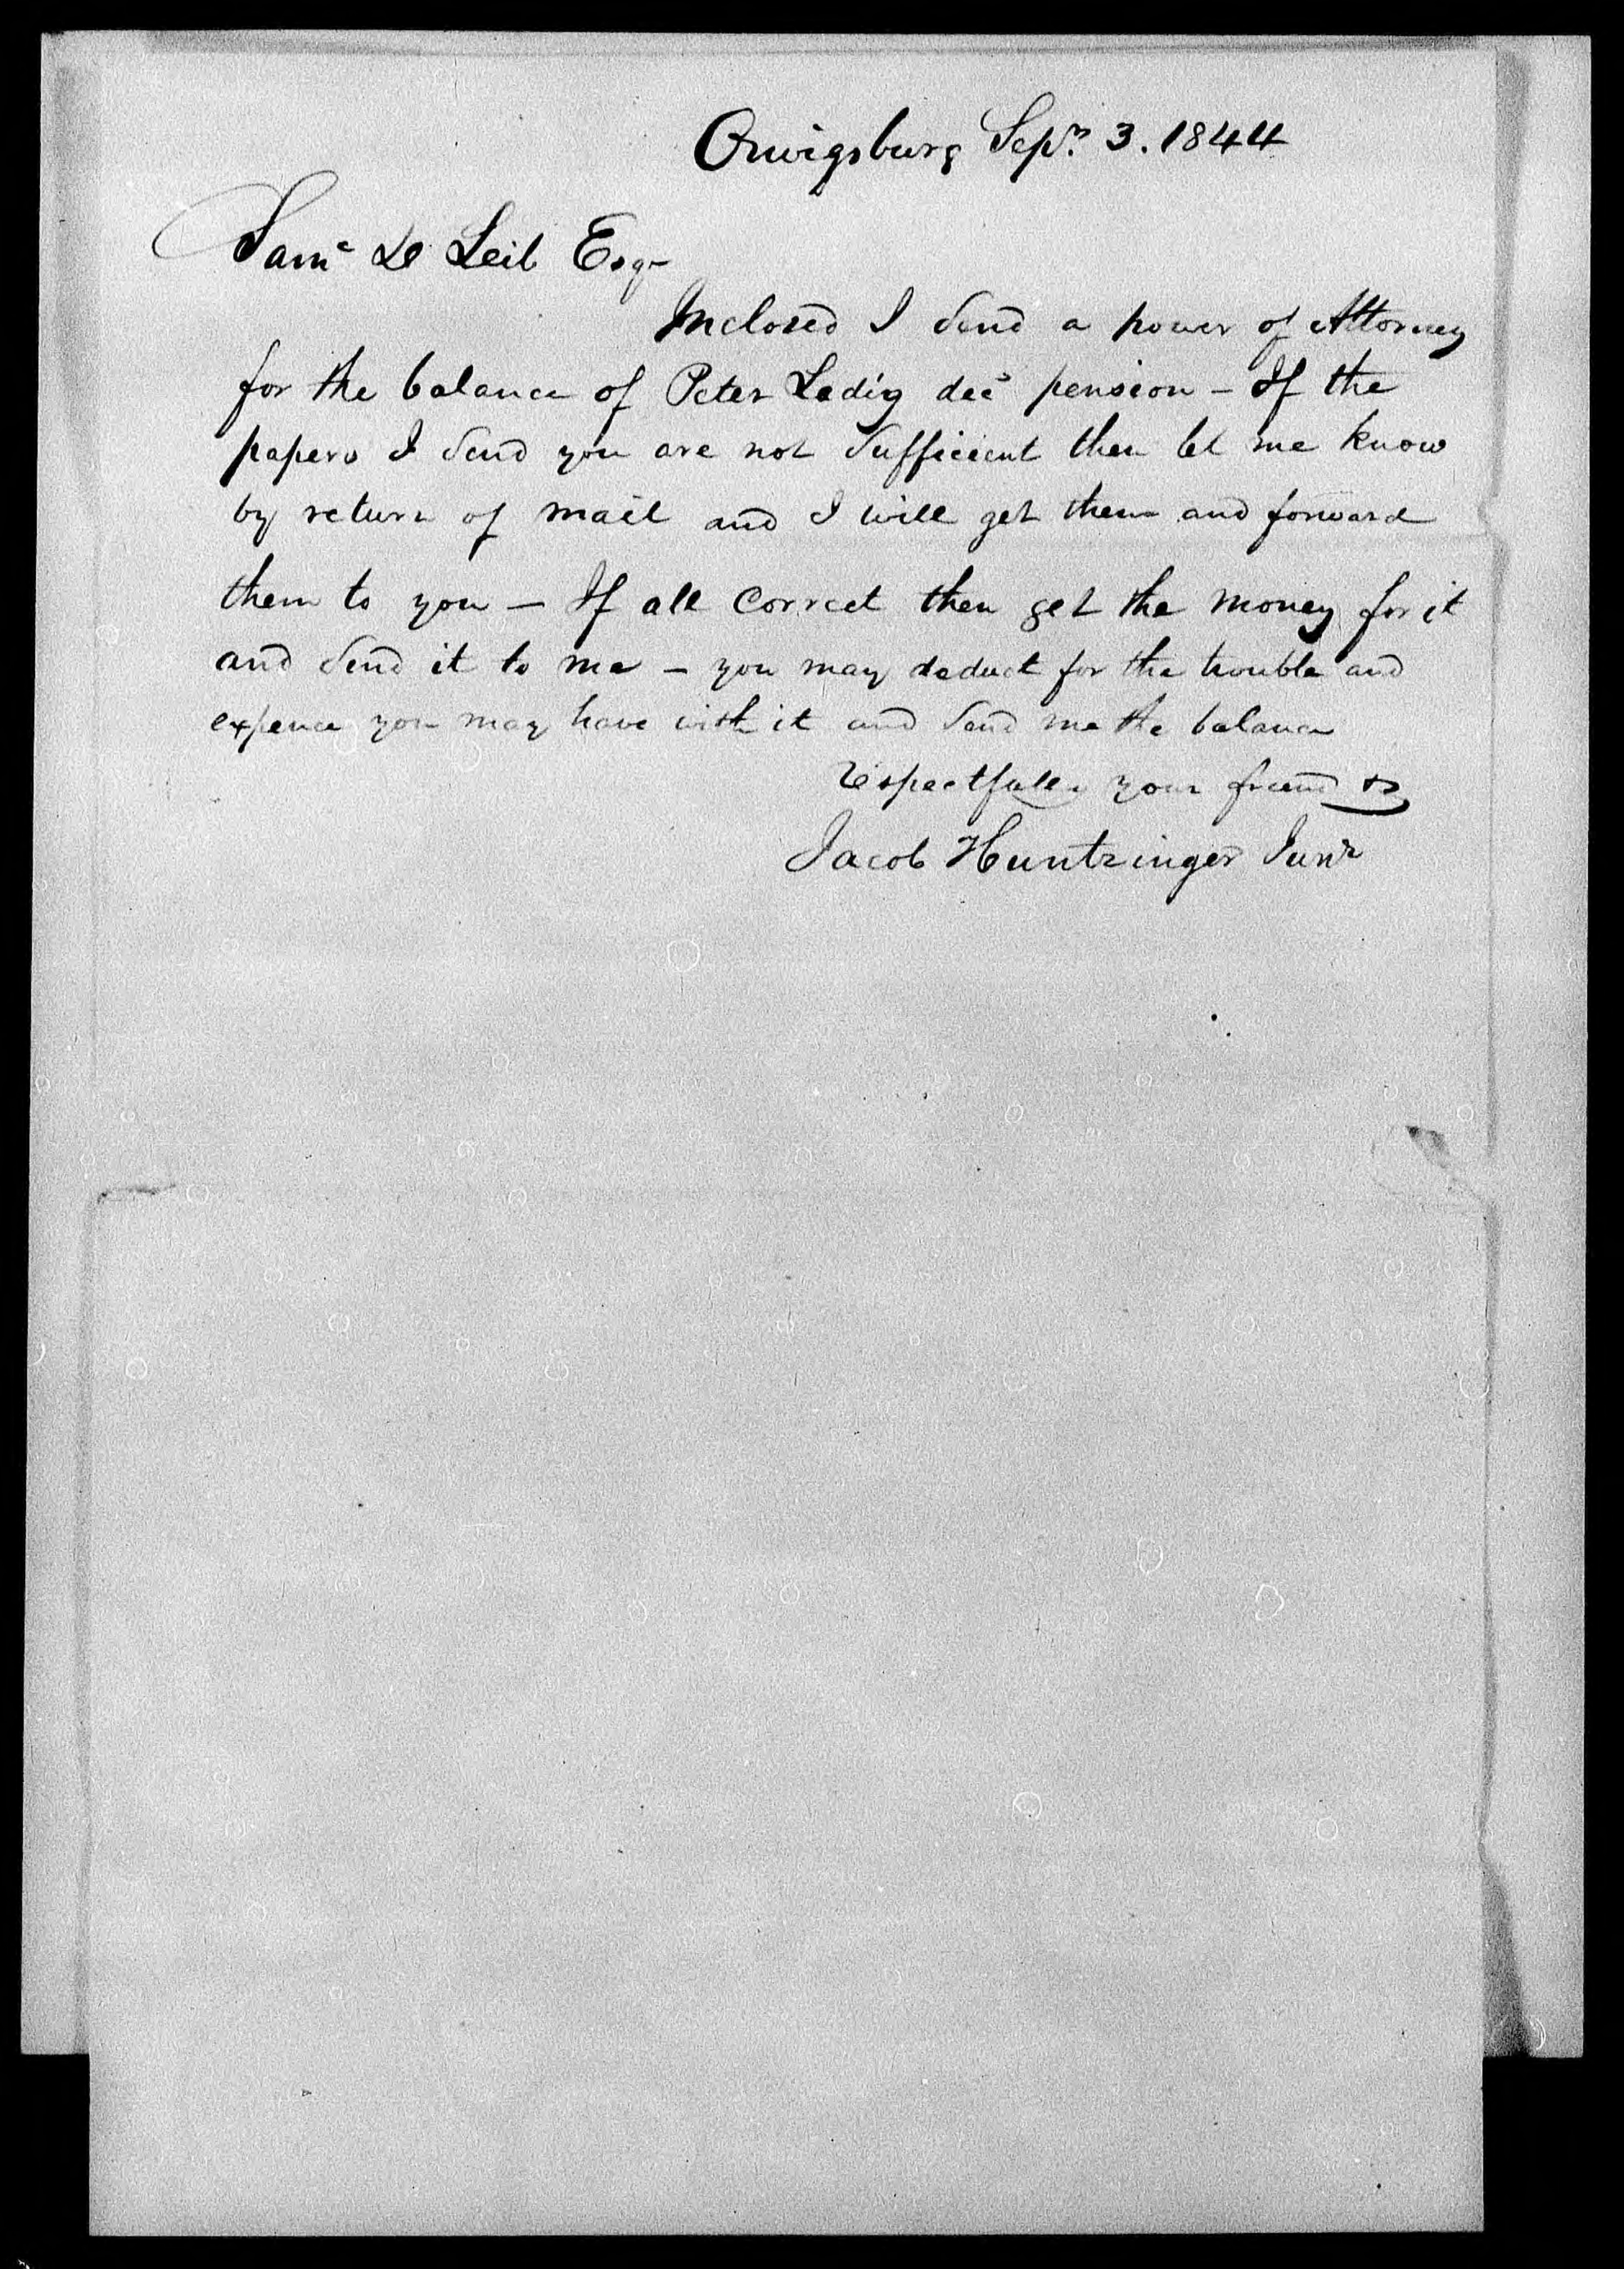Orwigsburg Sept. 3. 1844

Sam. D Leil Esq.

Inclosed [enclosed] I send a power of Attorney for the balance of Peter Ladig dec. pension - If the papers I send you are not sufficient then let me know by return of mail and I will get them and forward them to you - If all correct then get the money for it and send it to me - you may deduct for the trouble and expence you may have with it and send me the balance
Respectfully your friend 
Jacob Huntzinger Junr.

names: Peter Ladig; Jacob Huntzinger; Saml D Leil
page: 17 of 17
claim: survivor's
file: S. 4499, for Peter Ladig, Pennsylvania